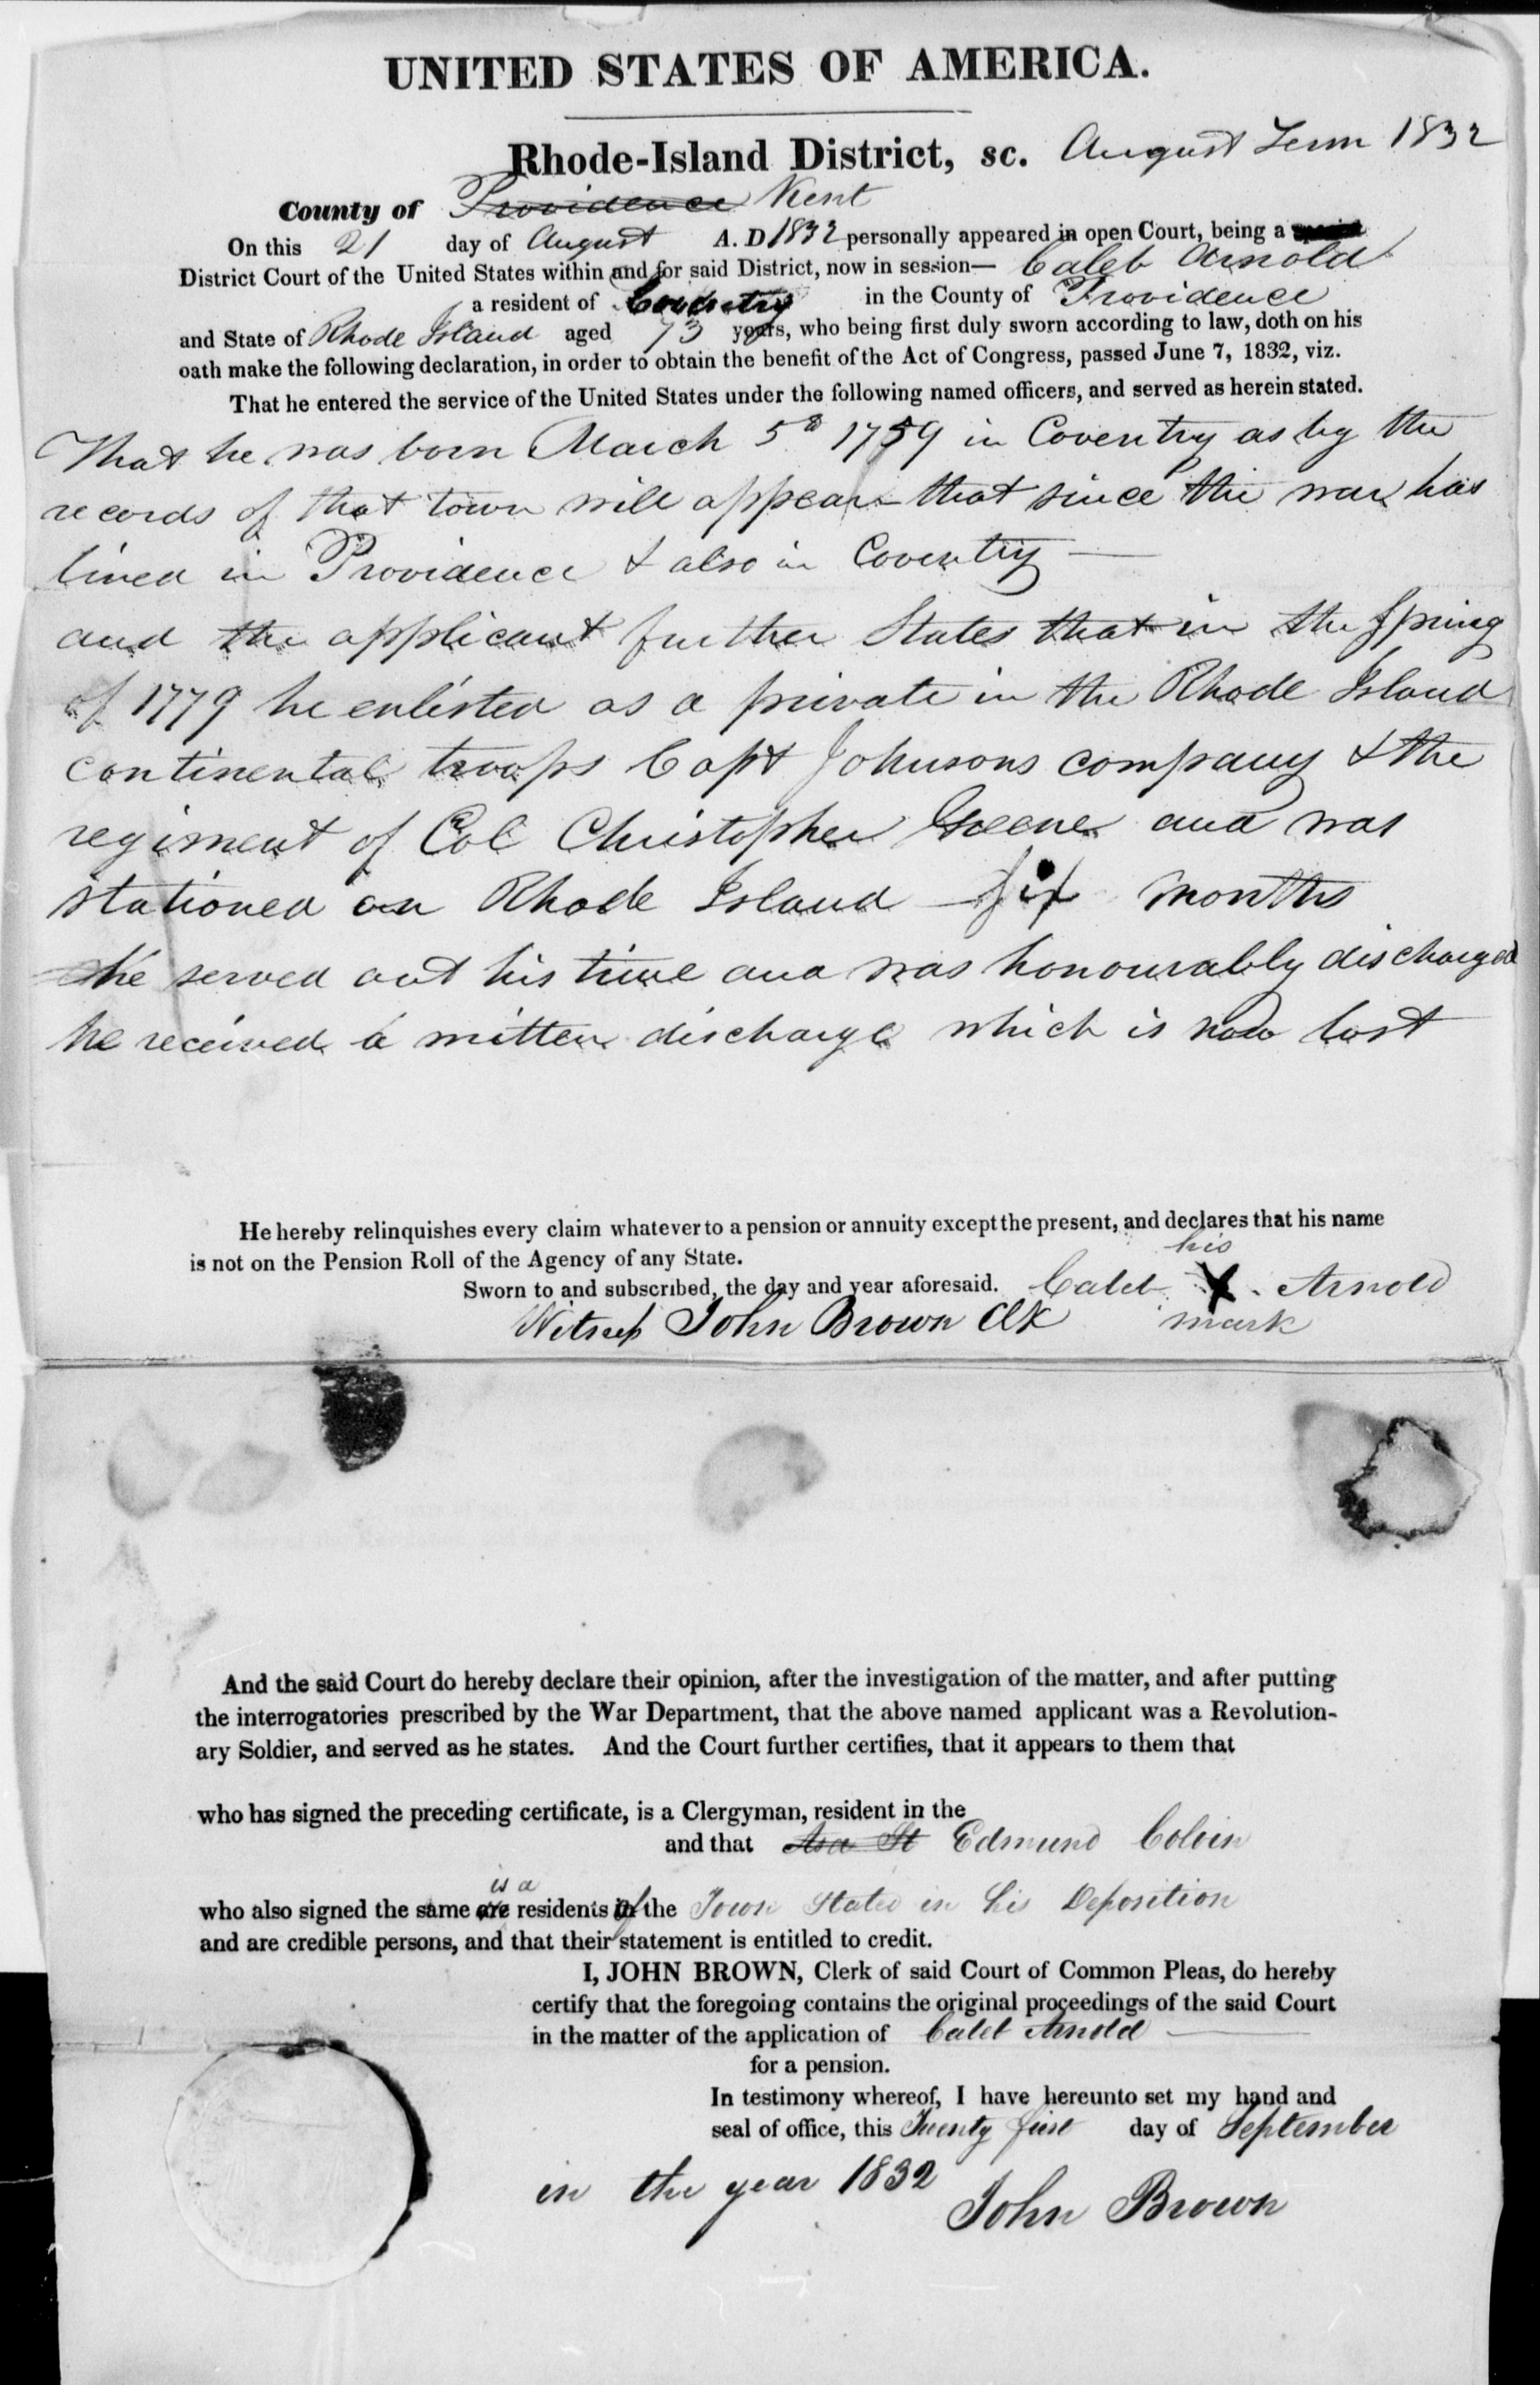UNITED STATES OF AMERICA.
Rhode-Island District, sc. August Term 1832
County of [crossed out] Providence Kent
On this 21 day of August A.D. 1832 personally appeared in open Court, being a [illegible blacked out] District Court of the United States within and for said District, now in session - Caleb Arnold a resident of Coventry in the County of Providence and State of Rhode Island aged 73 years, who being the first duly sworn according to law, doth on his oath make the following declaration, in order to obtain the benefit of the Act of Congress, passed June 7, 1832, viz. That he entered the service of the United States under the following named officers, and served as herein stated.
That he was born March 5th 1759 in Coventry as  by the records of that Town will appear that since the war has lived in Providence + also in Coventry --
and the applicant further States that in the Spring of 1779 he enlisted as a private in the Rhode Island continental troops Capt Johnsons company + the regiment of Col Christopher Greene and was stationed on Rhode Island six months
he served out his time and was honourably discharged
he received a written discharge which is now lost

He hereby relinquishes every claim whatever to a pension or annuity except the present, and declares that his name is not on the Pension Roll of the Agency of any State.
Sworn to and subscribed, the day and year aforesaid. Caleb  Arnold [bold] X his mark
Witness John Brown Clk

And the said Court do hereby declare their opinion, after the investigation of the matter, and after putting the interrogatories prescribed by the War Department, that the above named applicant was a Revolutionary Soldier, and served as he states. And the Court further certifies, that is appears to them that who has signed the proceeding certificate, is a Clergyman, resident in the and that [crossed out illegible] Edmund Colein who also signed the same [crossed out are] is a residents [crossed on in] of the Town Stated in his Deposition
and are credible persons, and that their statement is entitled to credit. 
I, JOHN BROWN, Clerk of said Court of Common Pleas, do hereby certify that the foregoing contains the original proceedings of the said Court in the matter of the application of Caleb Arnold for a pension.
In Testimony whereof, I have hereunto set my hand and seal of office, this Twenty first day of September in the year 1832
[signed] John Brown
[circular seal is on the bottom left corner of document]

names: Christopher Greene, Caleb Arnold, Caleb Arnold, John Brown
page: 4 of 29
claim: widow's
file: W. 2582, Caleb Arnold, R.I.